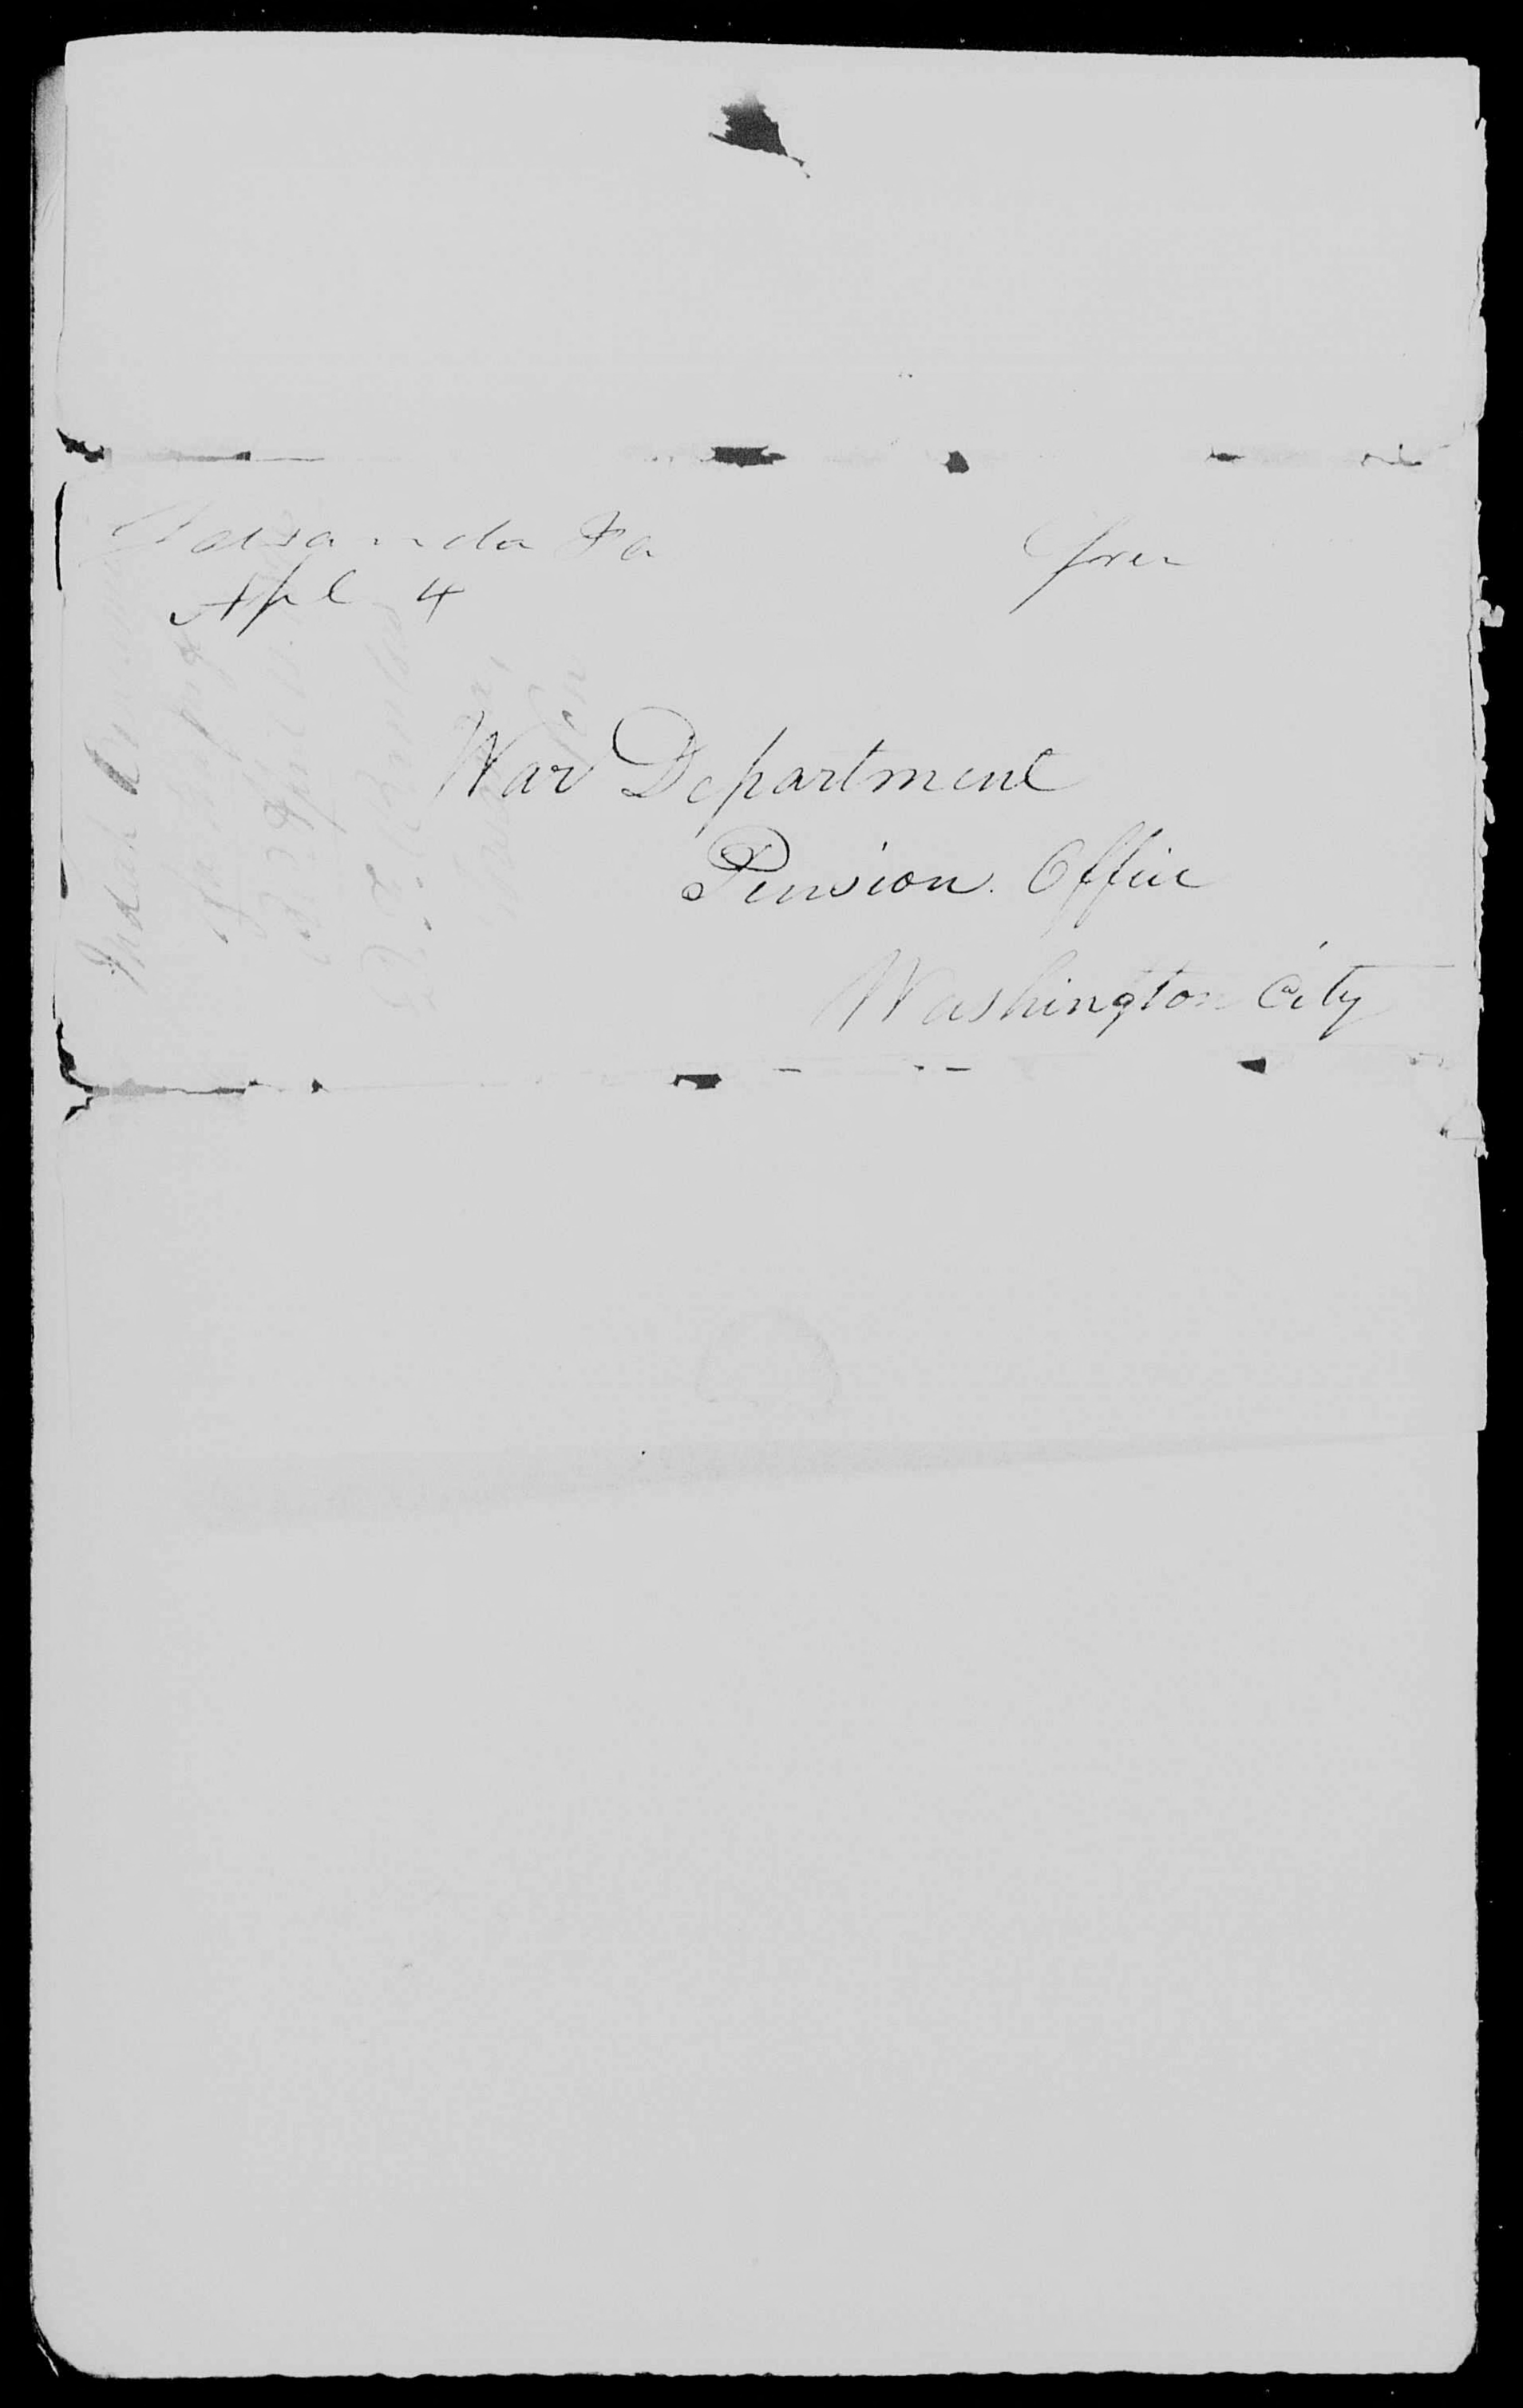Towanda Pa
Apl 4

Free

War Department
Pension Office
Washington City

[written along the left edge]
Judah Benjamin
[illegible]
[?] April 1818
B. F. Barstow
[Towanda?] Pen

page: 18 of 34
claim: survivor's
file: S. 39981, Judah Benjamin, Continental (N. H. And N. Y.)